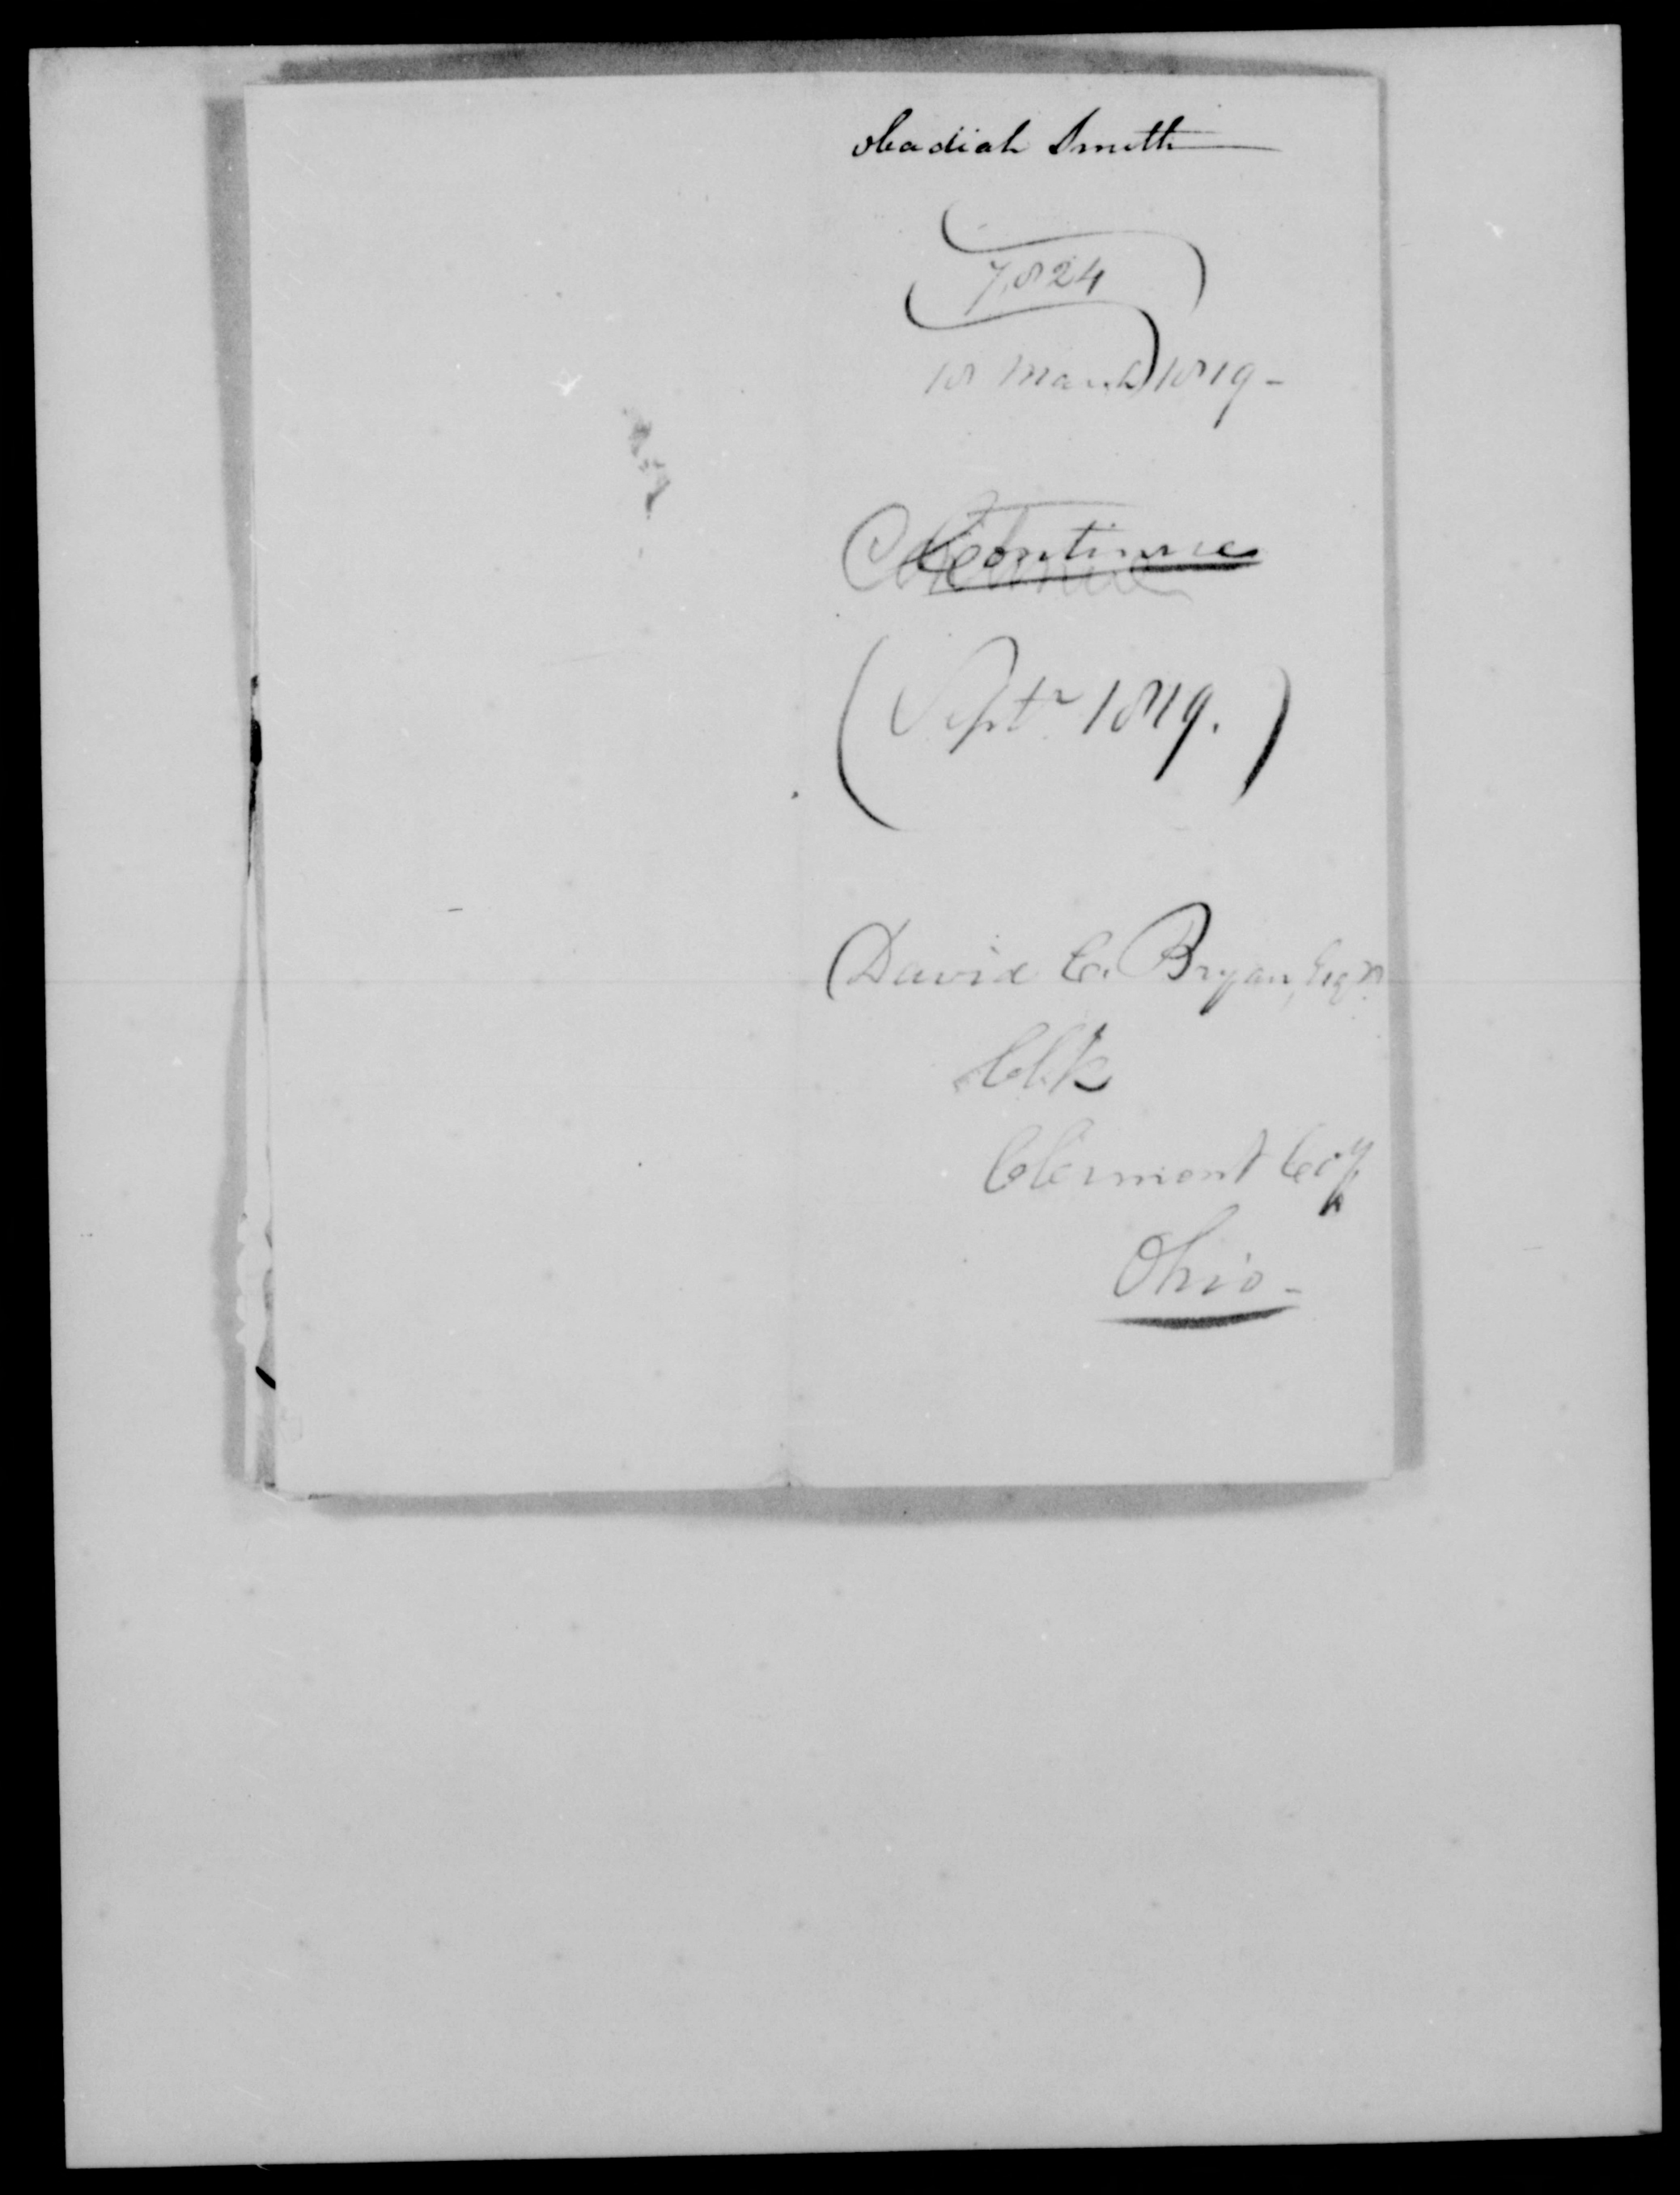obadiah Smith 
7.824 
18 March 1819 
Continue ["continue" is written over another word which starts with C bur is otherwise illegible] 
(Sept 1819.) 
David C. Bryan, Esqr Clk Clermont Coy Ohio.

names: David C Bryan; Obadiah Smith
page: 3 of 66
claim: survivor's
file: S 40458, for Obadiah Smith, New York